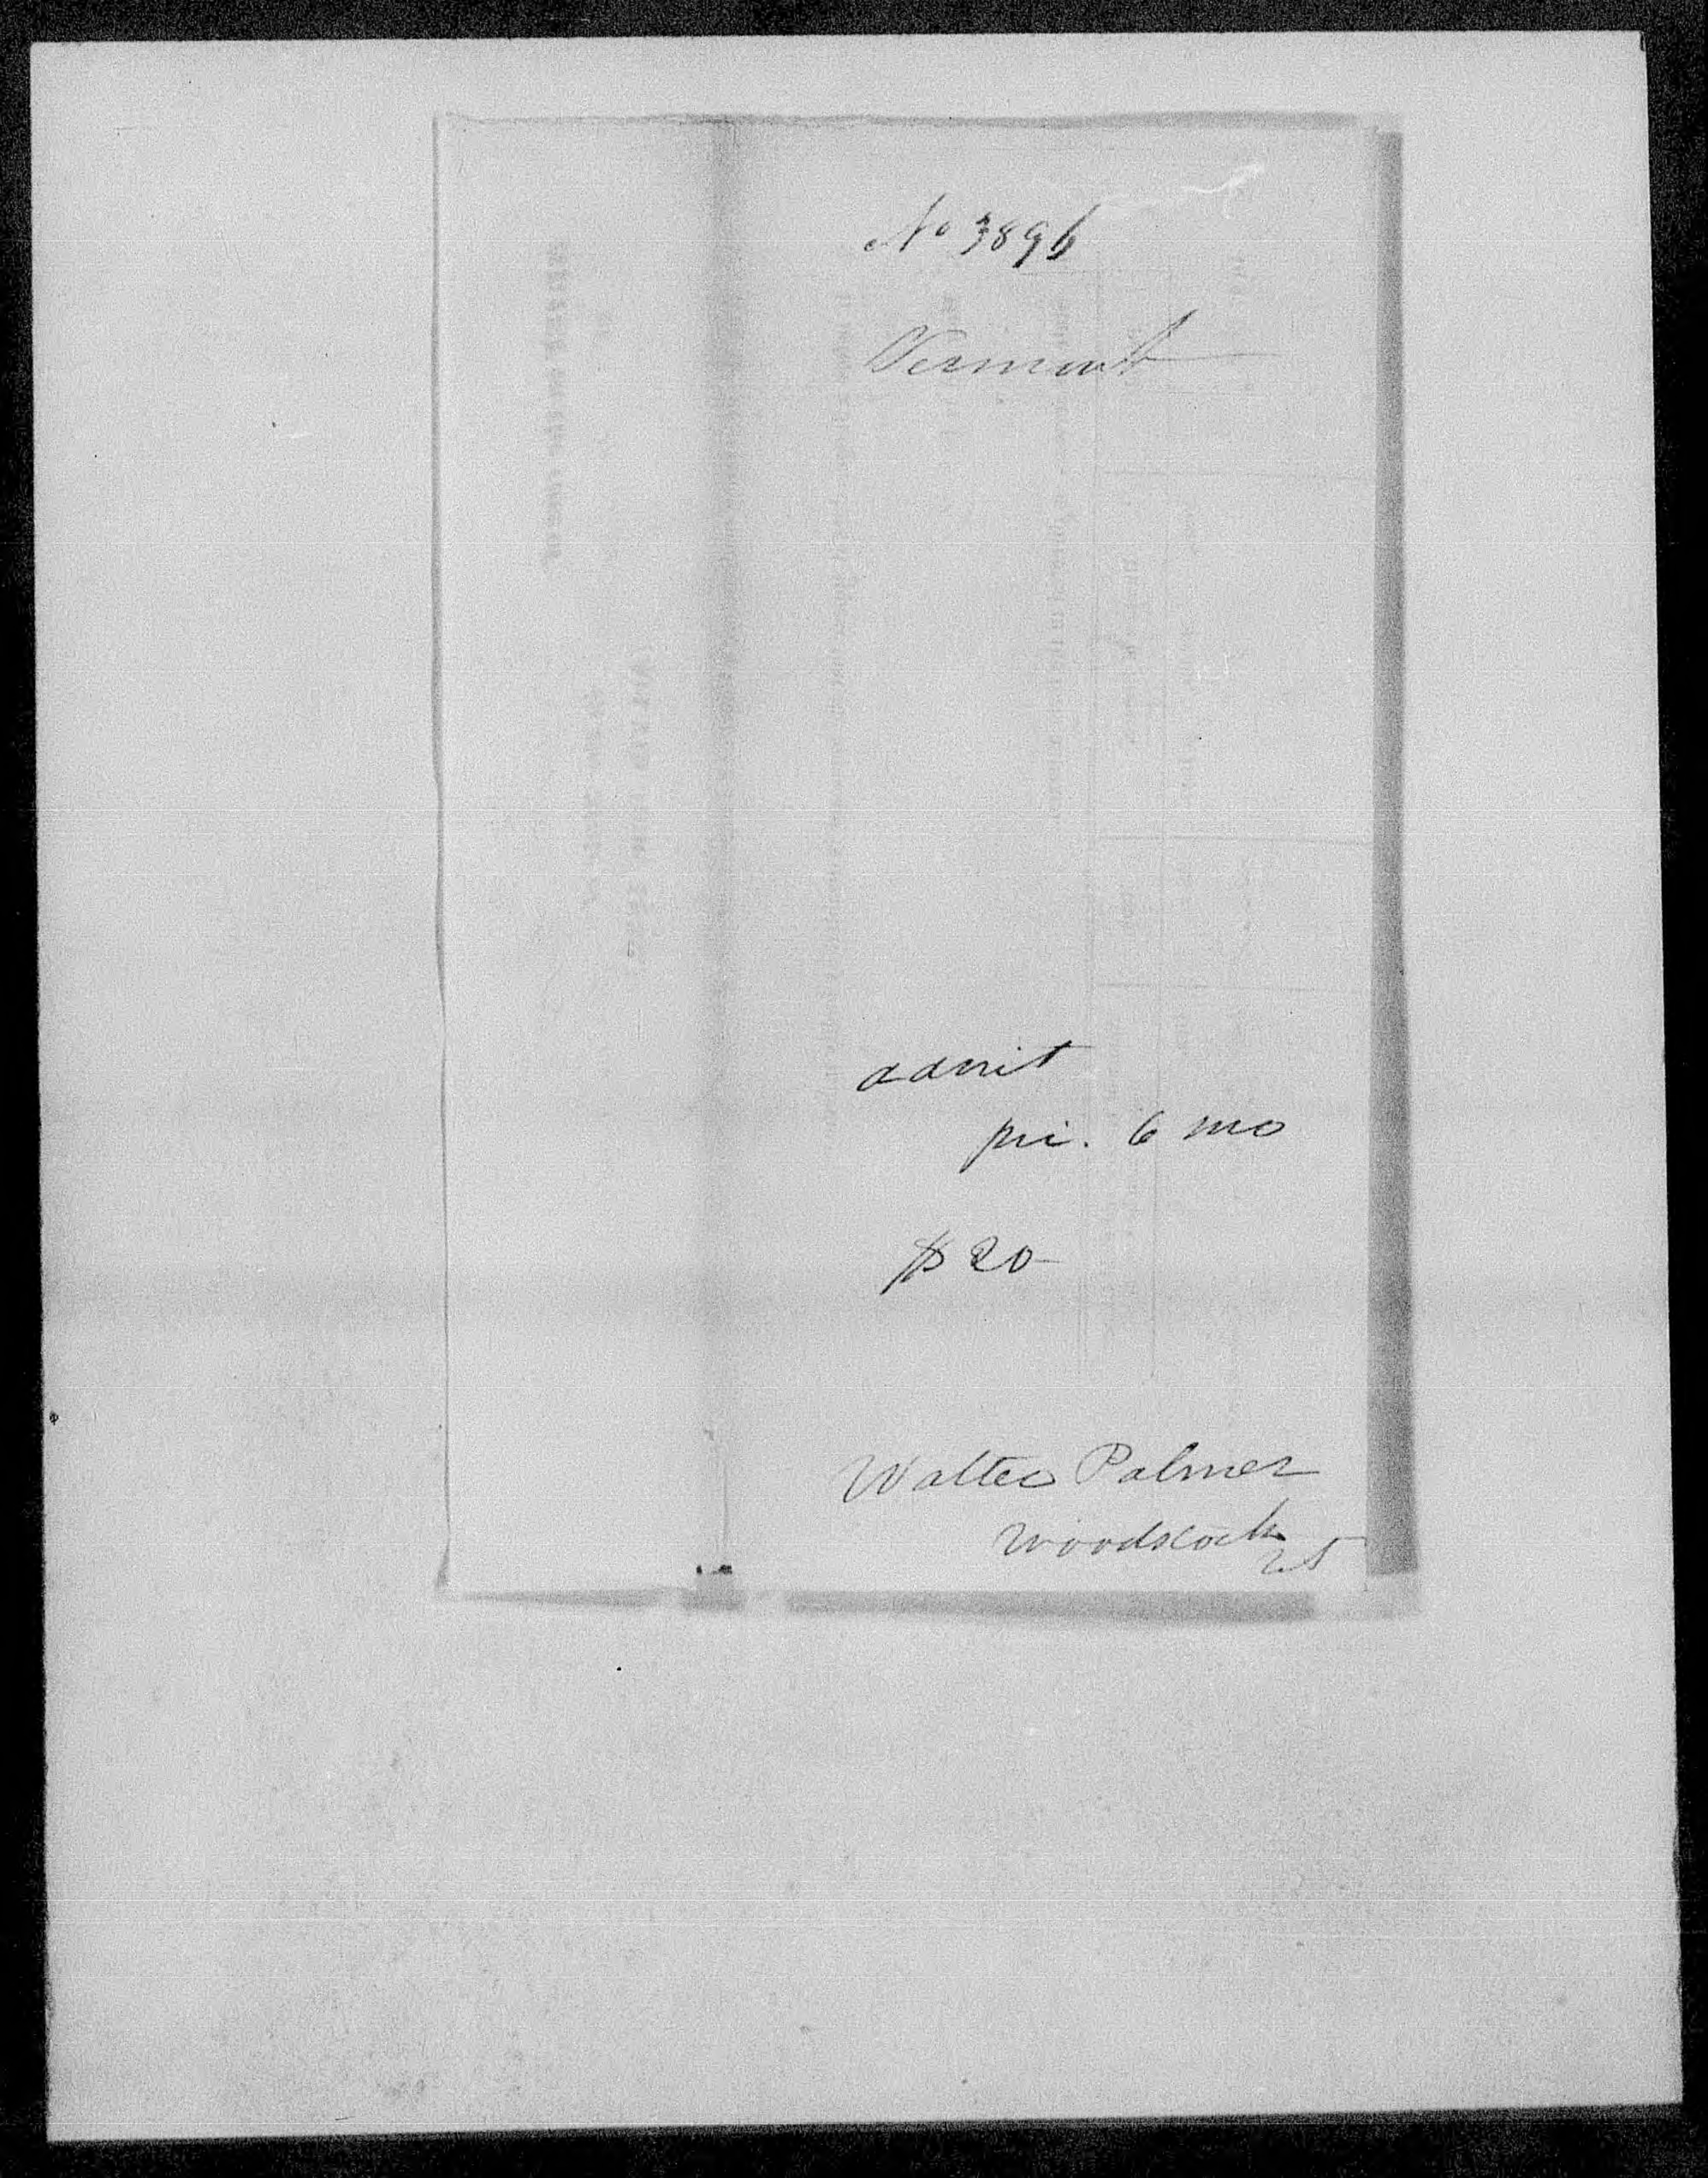No. 3896
Vermont


Admit
Pri. 6 mo
$20-

Walter Palmer
Woodstock Vt.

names: Walter Palmer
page: 15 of 33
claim: widow's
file: W. 4681, Josiah Gibbs, Mass